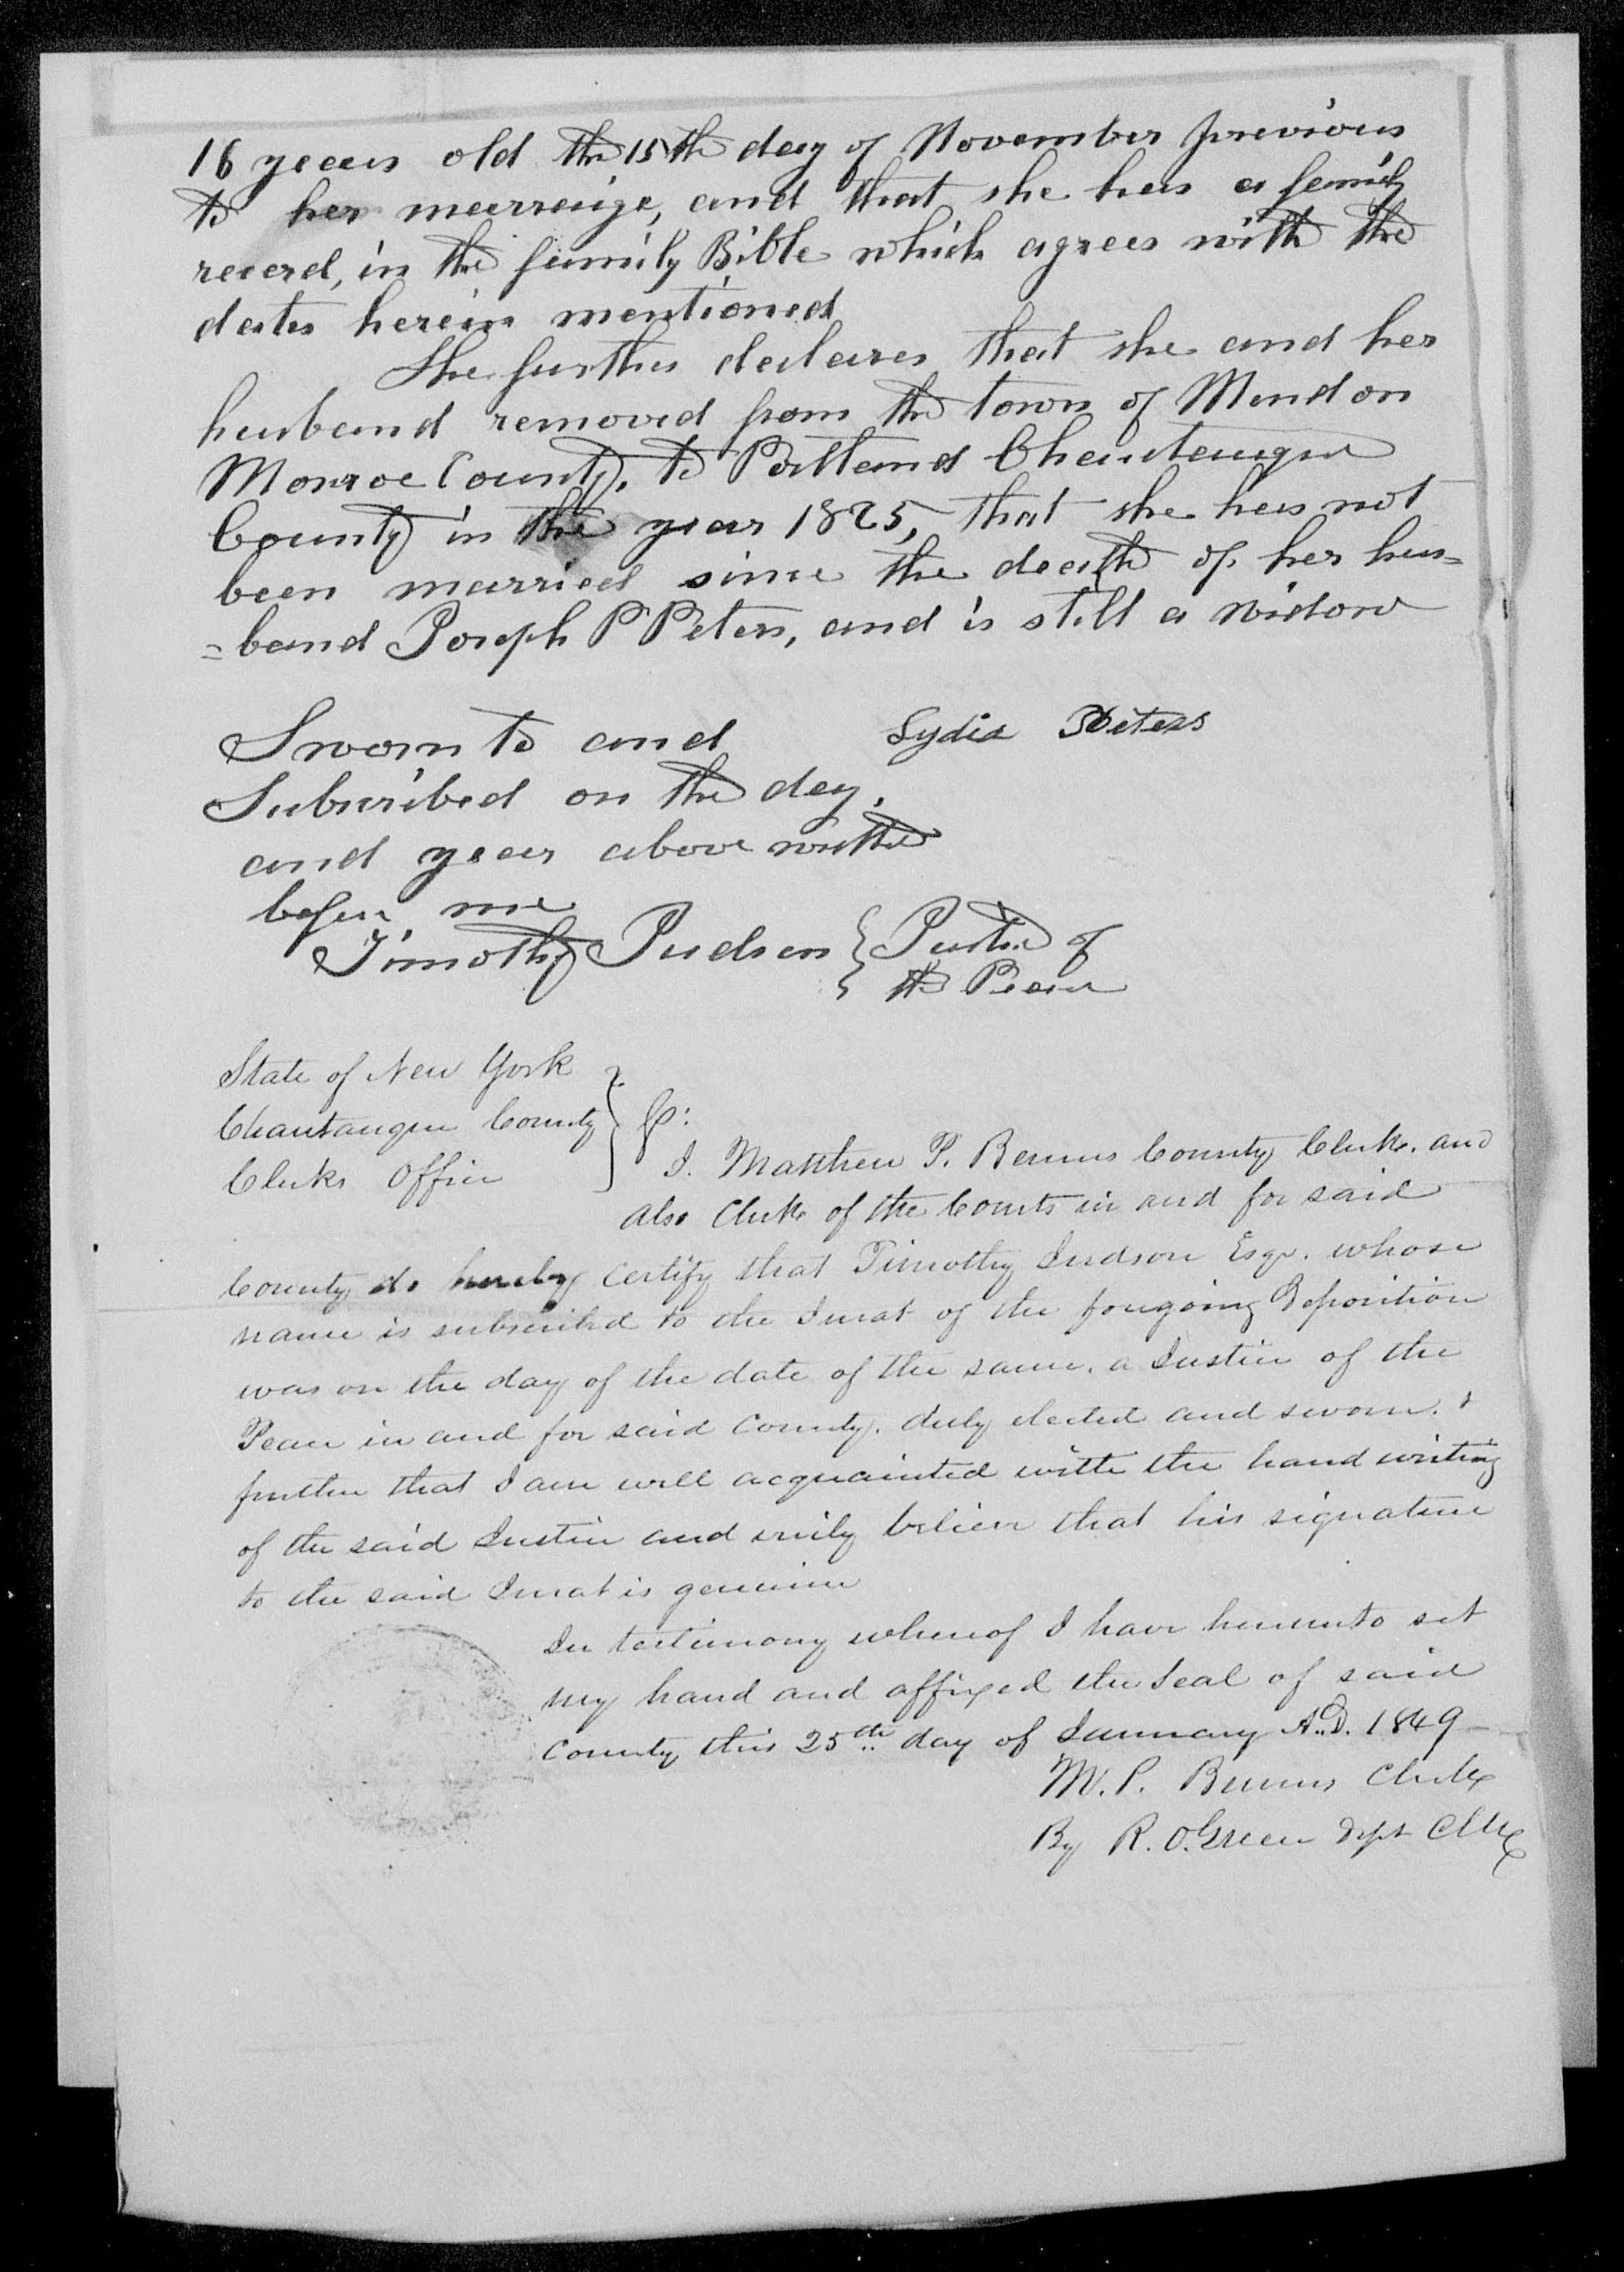16 years old the 15th day of November previous to her marriage, and that she has a family record, in the family Bible which agrees with the date herein mentioned. 
She further declares that she and her husband removed from the town of Mendon Monroe County to Portland Chautauqua County in the year 1825, that she has not been married since the death of her husband Joseph P Peters, and is still a widow.    
Lydia Peters
Sworn to and Subscribed on the day  and year above written before 
Timothy Judson Justice of the Peace 
State of New York 
Chautauqua County Clerks Office ss: I. Matthew P. Bemis County Clerk, and also Clerk of the Courts in and for said County do hereby certify that Timothy Judson Esq. whose name is subscribed to the Jurat of the foregoing deposition was on the day of the date of the same, a Justice of the Peace in and for said County, duly elected and sworn & further that I am well acquainted with the hand writing of the said Justice and verily believe that his signature to the said Jurat is genuine. 
In testimony whereof I have hereunto set my hand and affixed the seal of said County this 25th day of January A.D. 1849. 
M. P. Bemis Clerk  
By R. O. Green Dept Clk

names: Lydia Peters; Matthew P Bernus; R O Green; Timothy Judson; Joseph P Peters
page: 56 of 73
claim: widow's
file: W. 2338, for Joseph P Peters, Connecticut